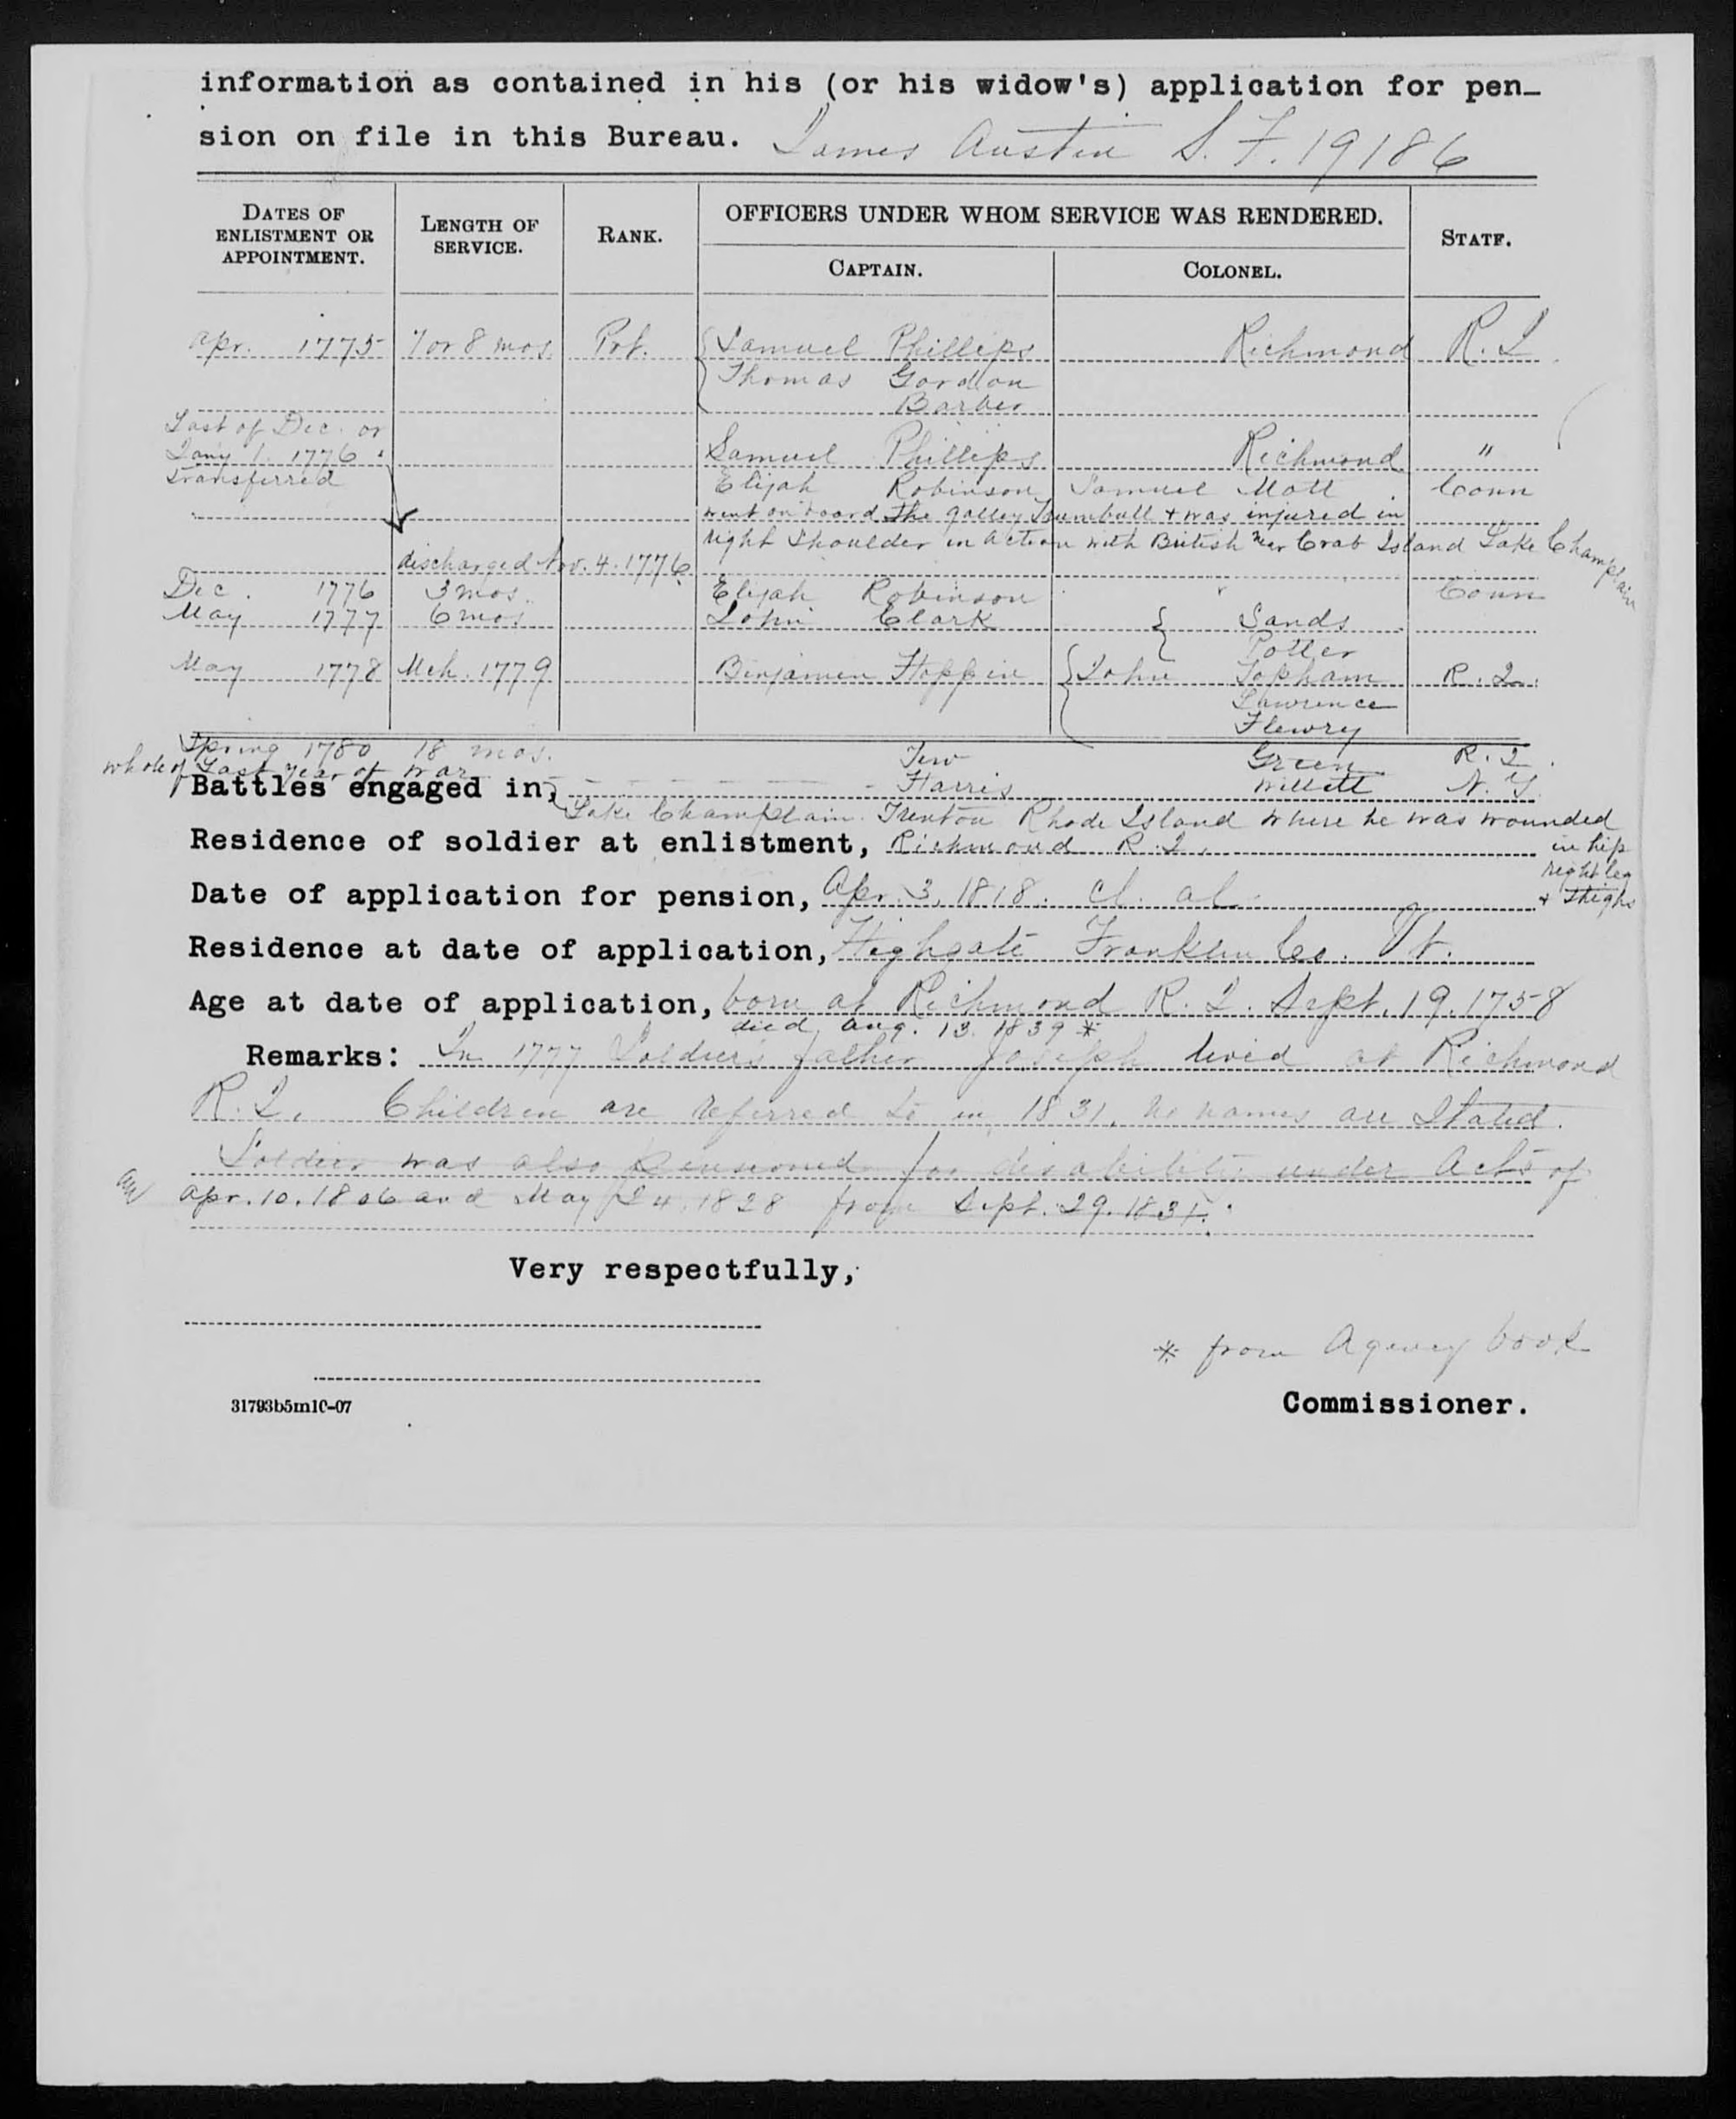Information as contained in his (or his widow’s application for pension on file in this Bureau.
James Austin S.F. 19186

DATES OF ENLISTMENT OR APPOINTMENT/ Apr. 1775
LENGTH OF SERVICE/ 7 or 8 mos.
RANK/ Pvt.
OFFICERS UNDER WHOM SERVICE WAS RENDERED.
CAPTAIN./Samuel Phillips, Thomas Gordon, Barber
COLONEL./Richmond
STATE./R.I.

DATES OF ENLISTMENT OR APPOINTMENT/ Last of Dec. or Jany 1 1776, transferred, discharged Nov. 4, 1776
LENGTH OF SERVICE
RANK
OFFICERS UNDER WHOM SERVICE WAS RENDERED.
CAPTAIN./Samuel Phillips, Elijah Robinson, went on board the galley Loumball & was injured in right shoulder in action with British near Crab Island Lake Champlain
COLONEL./Samuel Matt
STATE./ Conn

DATES OF ENLISTMENT OR APPOINTMENT/ Dec. 1776, May 1777
LENGTH OF SERVICE/ 3 mos. 6 mos.
RANK
OFFICERS UNDER WHOM SERVICE WAS RENDERED.
CAPTAIN./Elijah Robinson, John Clark
COLONEL. Sands - Potter
STATE./ Conn

DATES OF ENLISTMENT OR APPOINTMENT/ May 1778
LENGTH OF SERVICE/ Mch. 1779
RANK
OFFICERS UNDER WHOM SERVICE WAS RENDERED.
CAPTAIN./ Benjamen Hoppin
COLONEL./John Lopham, Lawrence Flewry
STATE. R.I.

DATES OF ENLISTMENT OR APPOINTMENT/ Spring 1780 – whole of last year of Mar.
LENGTH OF SERVICE/ 18 mos.
RANK
OFFICERS UNDER WHOM SERVICE WAS RENDERED.
CAPTAIN. Tew, Harris
COLONEL./ Green, Millett
STAFF. R.I., R.I.

Battles engaged in, Lake Champlain. Trenton Rhode Island where he was wounded in hip right leg & thighs.
Residence of soldier at enlistment, Richmond R.I.
Date of application for pension, Apr. 3, 1818. et. al.
Residence at date of application, Highgate Franklin Co. Vt.
Age at date of application, born at Richmond R.I. Sept. 19, 1758. Died Aug. 13, 1839
Remarks: In 1777 soldier’s father Joseph lived at Richmond R.I. Children are referred to in 1831. The names are stated. Soldier was also pensioned for disability under Apr. 10, 1806 and May 24, 1828 from Sept. 29, 1831.

Very respectfully,
*from Agency book
Commissioner.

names: Samuel Phillips, Agnes Cook, John Topham, Green, Richmond, Sands, Potter, Joseph, Flewry, Elijah Robinson, John Clark, Samuel Phillips, Samuel Mott, Willett, Benjamin Hoppin, Elijah Robinson, James Austin, Barber, Lawrence, Harris, Thomas Gordon, Richmond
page: 100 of 100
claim: survivor's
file: S 19186, James Austin, Conn. New York R.I.